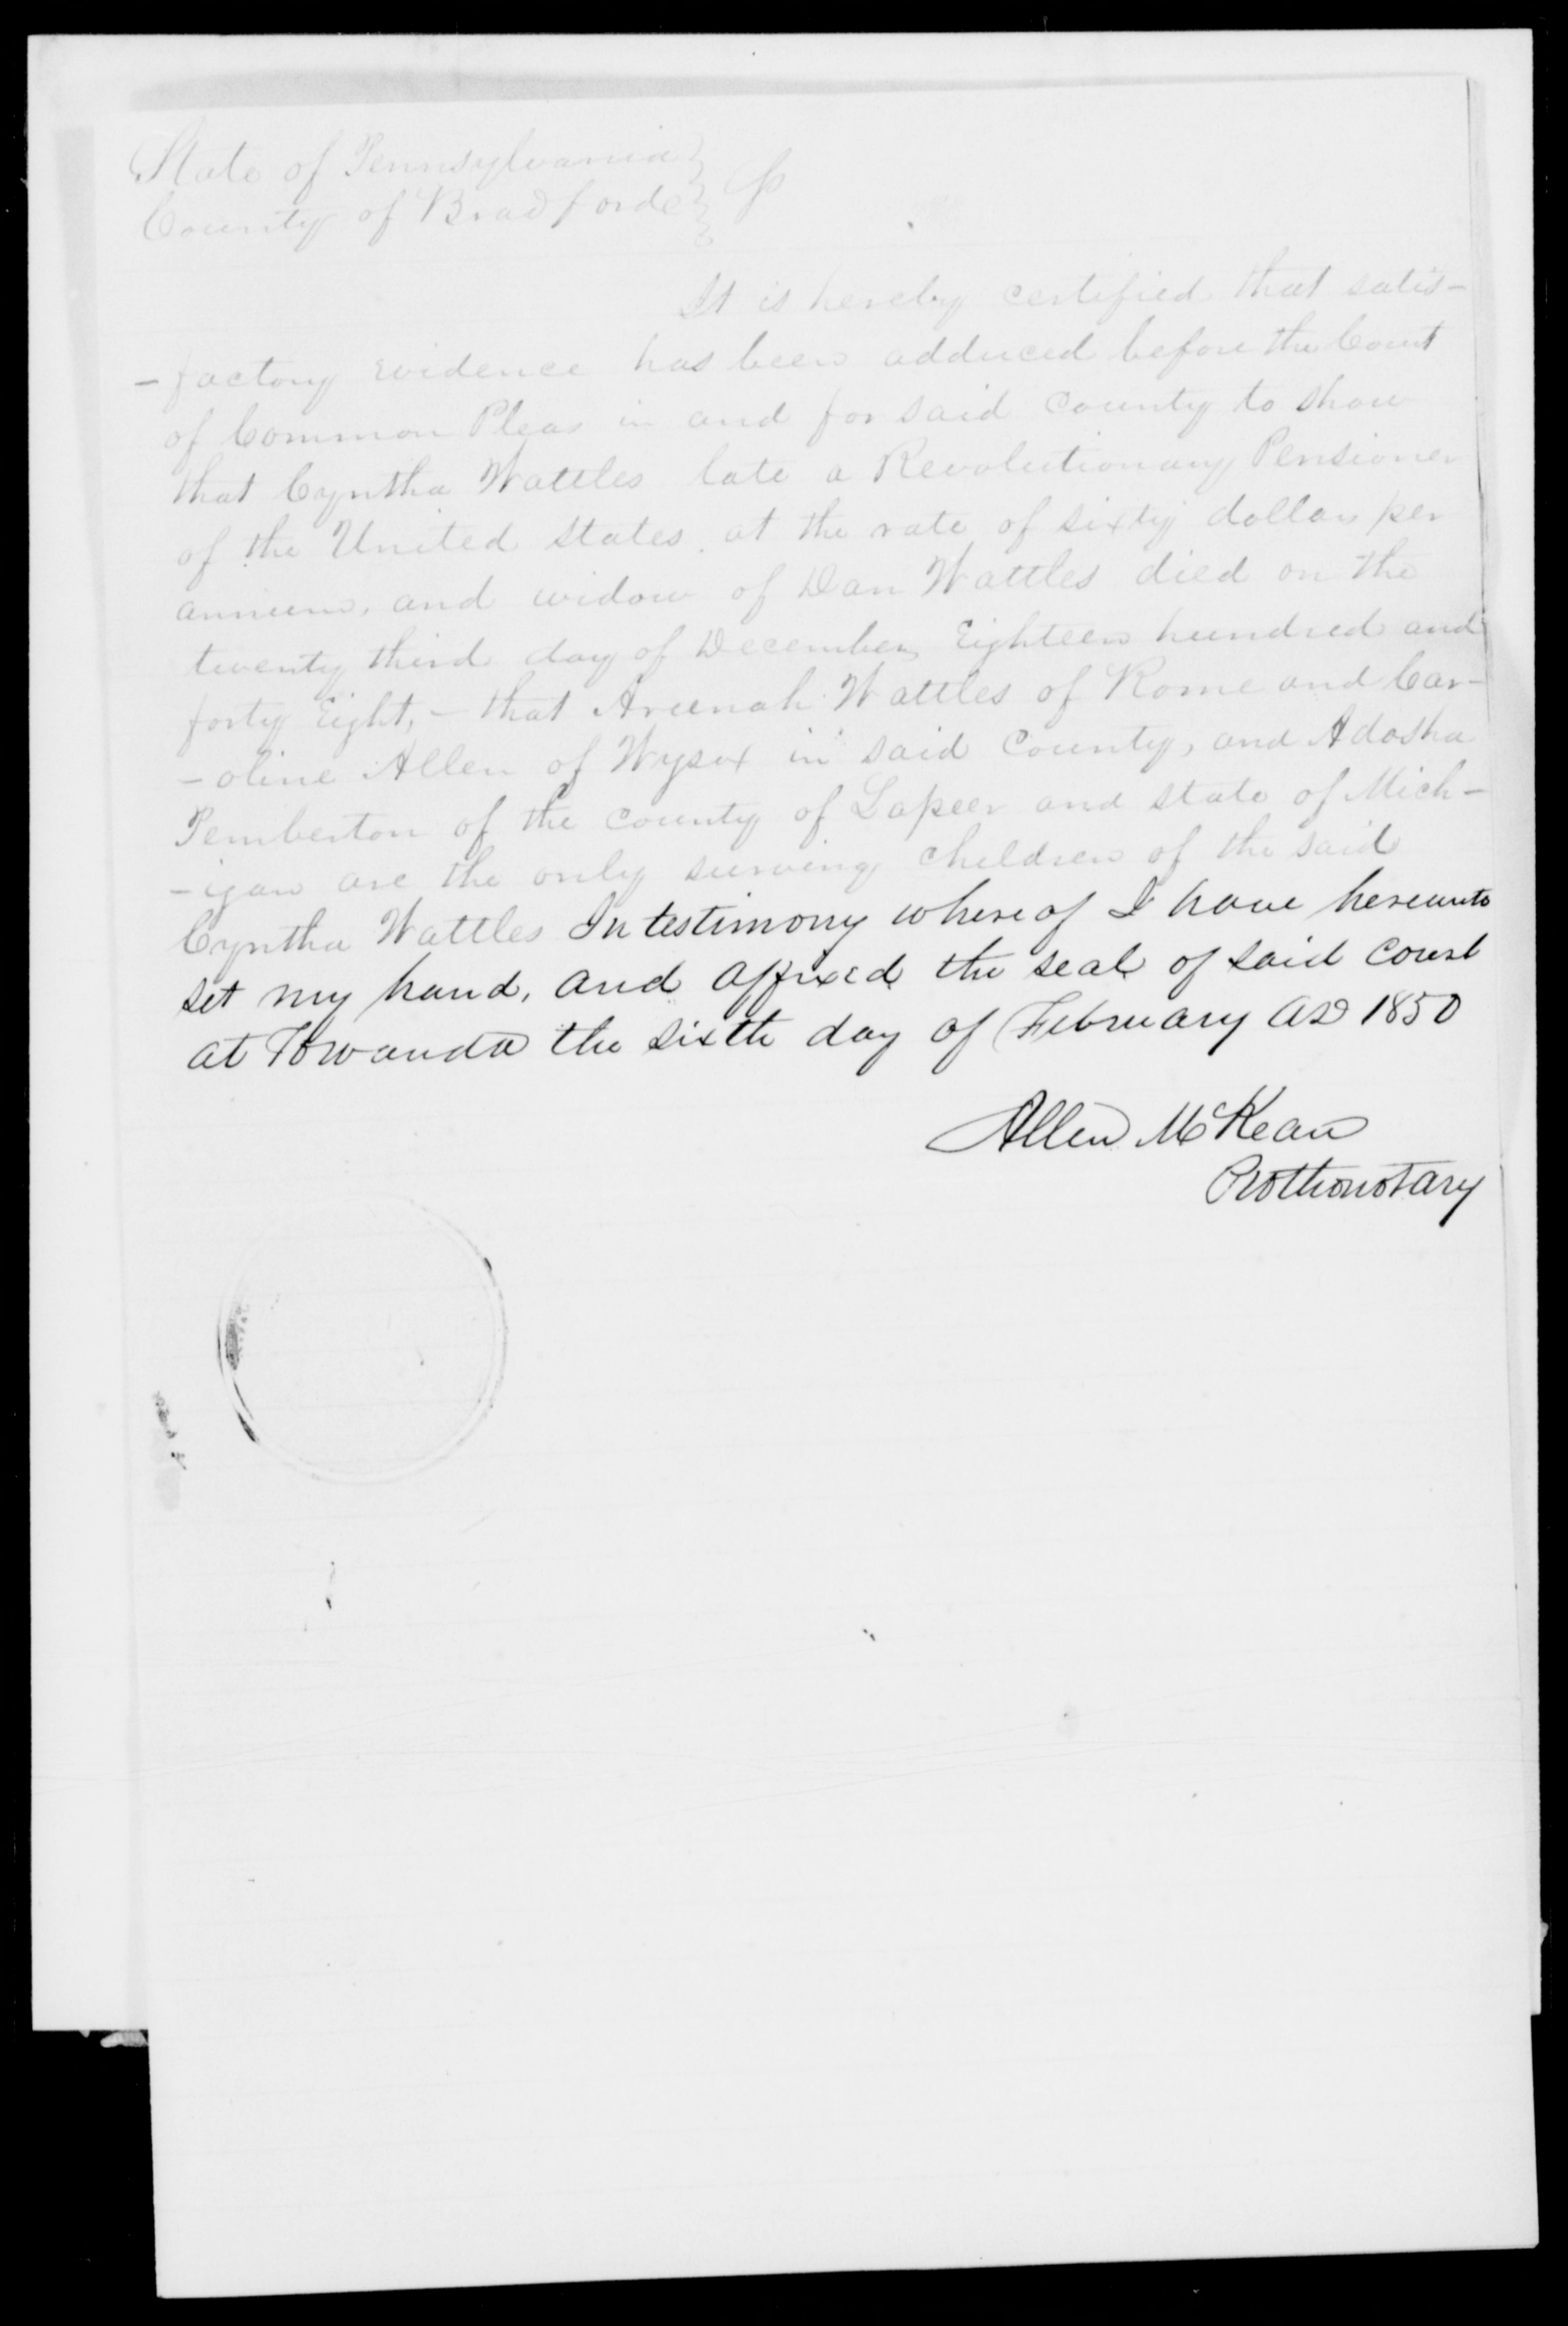State of Pennsylvania}
County of Bradford} ss.

It is hereby certified that satisfactory evidence has been adduced before the Court of Common Pleas in and for said County to show that Cynthia Wattles, late a Revolutionary Pensioner of the United States at the rate of sixty dollars per annum and widow of Dan Wattles, died on the twenty third day of December, Eighteen hundred and forty Eight,  That Arunah Wattles of Rome and Caroline Allen of Wysox in said county, and Adosha Pemberton of the county of Lapeer and state of Michigan are the only surviving children of the said Cynthia Wattles.
In testimony whereof I have hereunto set my hand, and affixed the seal of said court at Towanda the sixth day of February AD 1850.
Allen McKean
Prothonotary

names: Allen Mc Kean, Dan Wattles, Cyntha Wattles, Arunah Wattles, Adosha Pemberton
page: 7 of 70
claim: widow's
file: W. 3743, Dan Wattles, Conn.